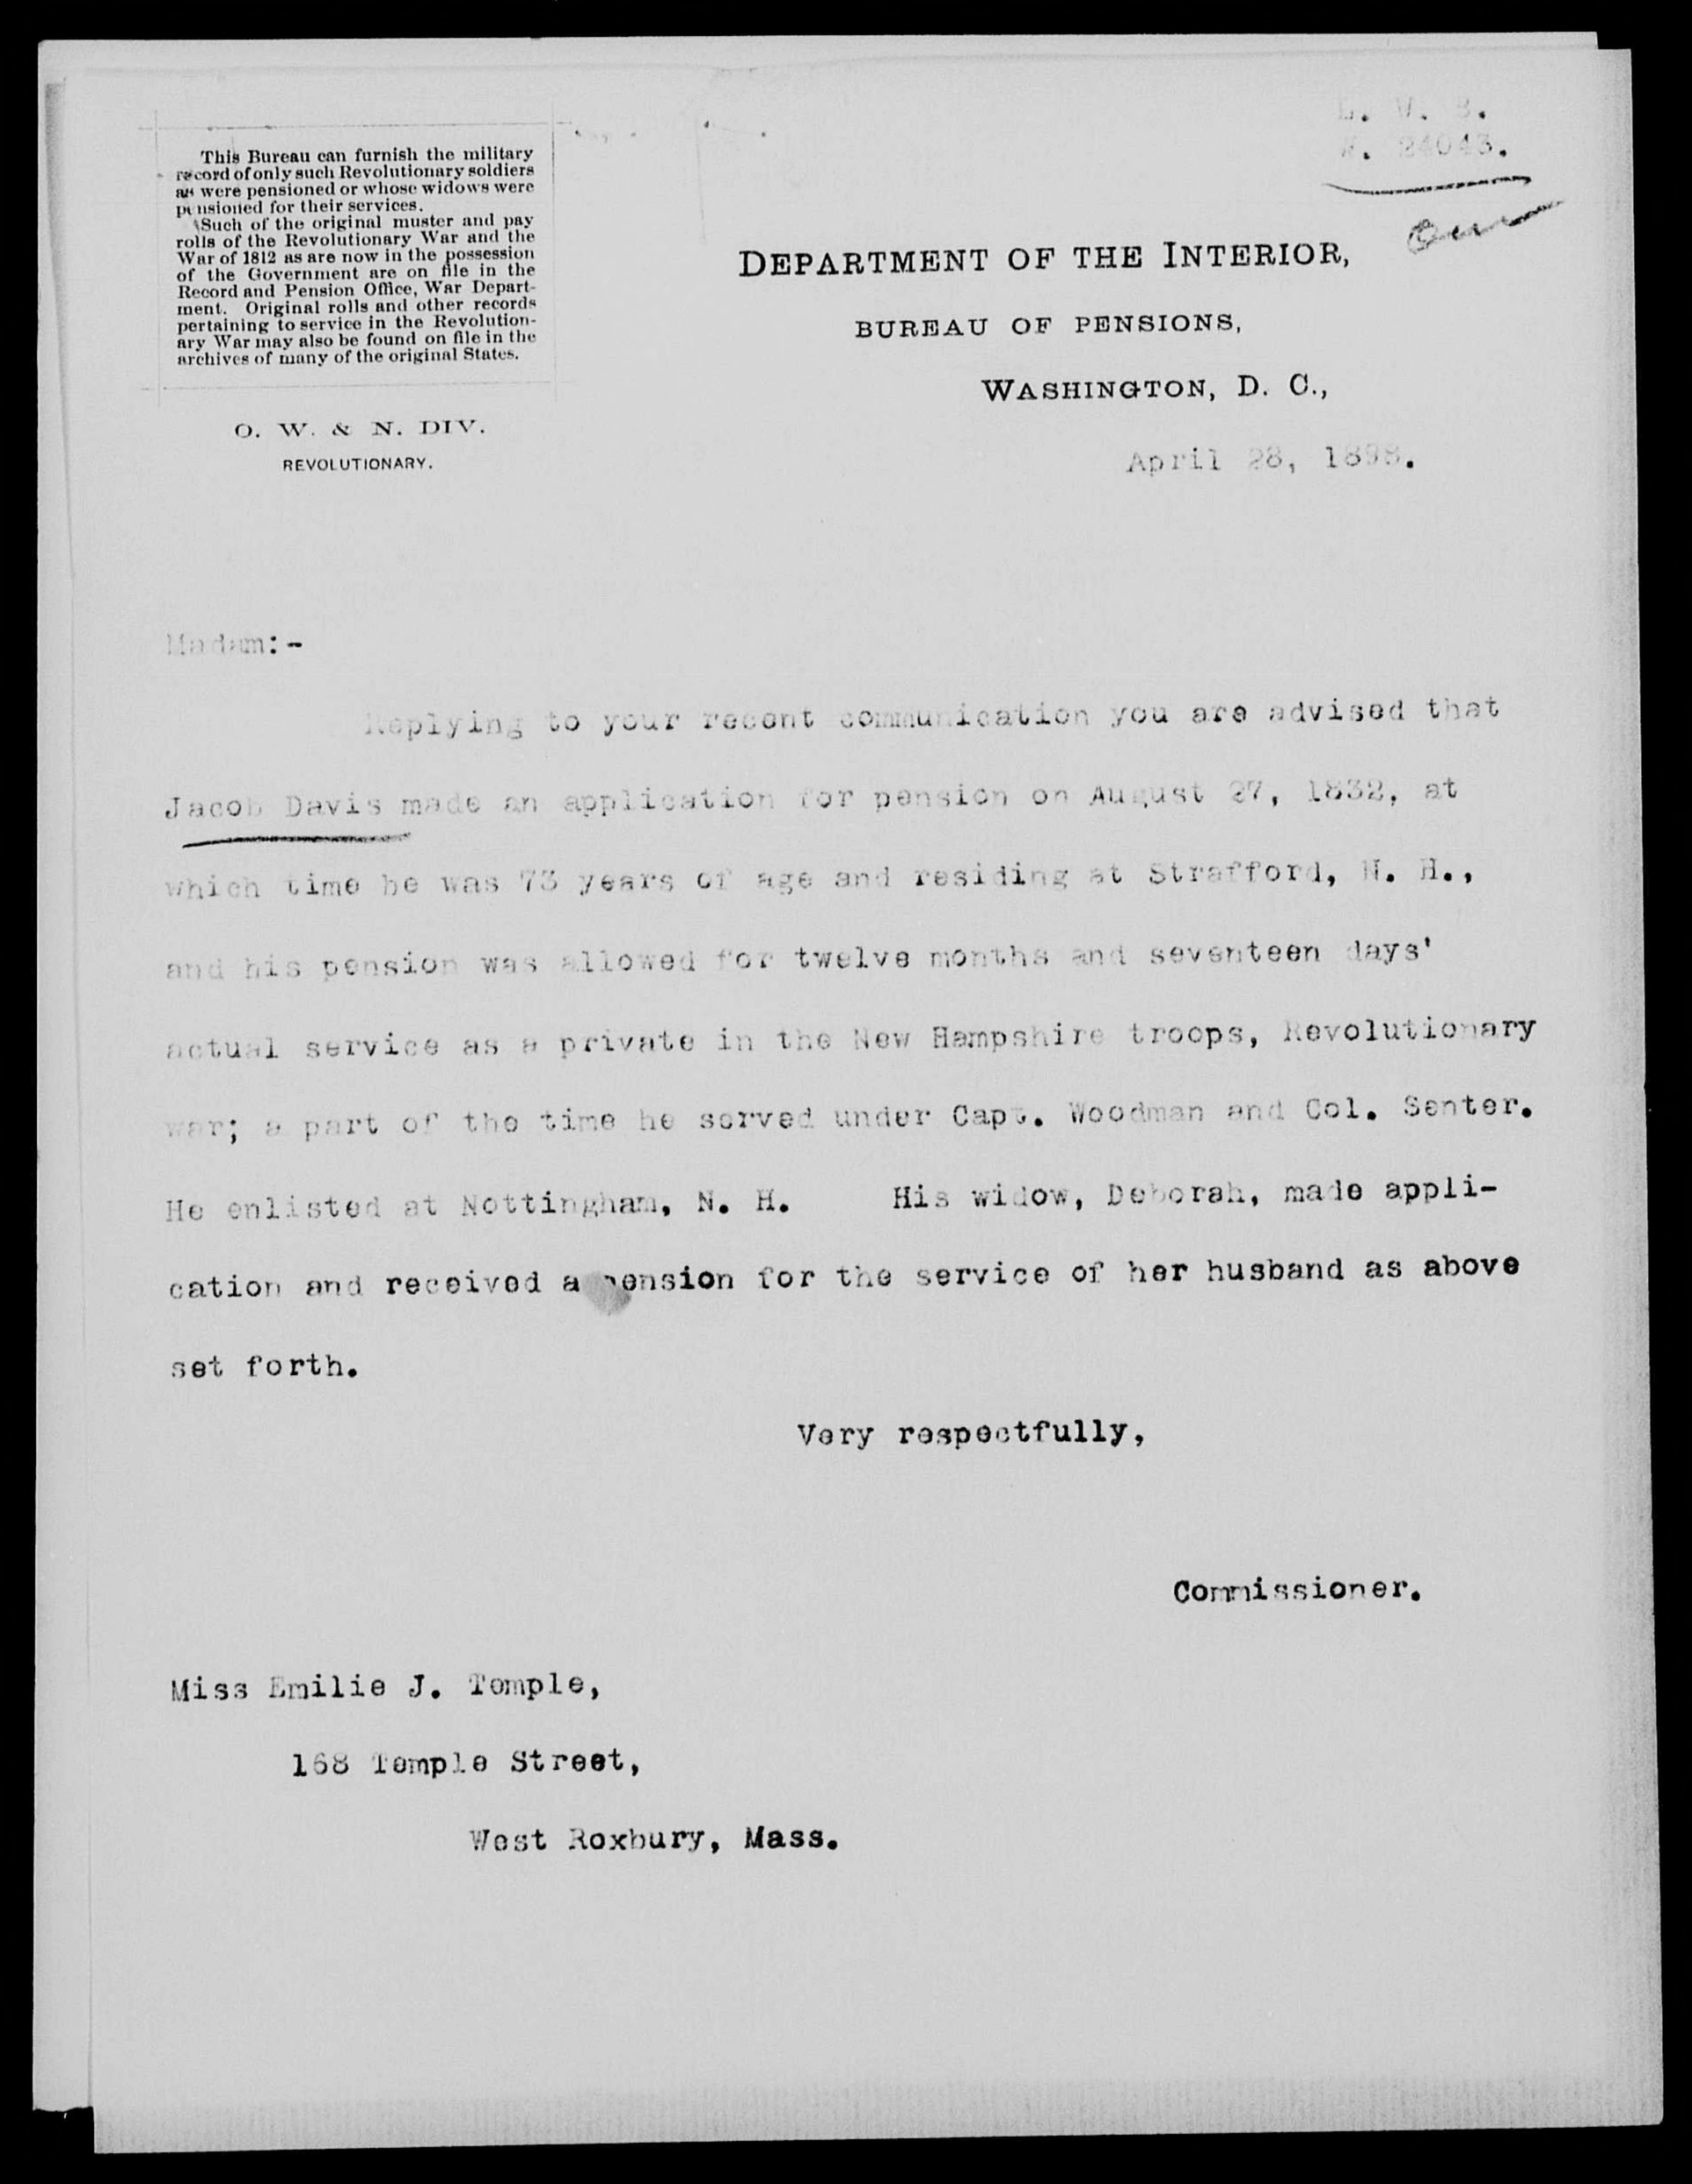This Bureau can furnish the military record of only such Revolutionary soldiers as were pensioned or whose widows were
pensioned for their services.
Such of the original muster and pay rolls of the Revolutionary War and the War of 1812 as are now in the possession of the Government are on file in the Record and Pension Office, War Department. Original rolls and other records pertaining to service in the Revolutionary War may also be found on file in the
archives of many of the original States.
O. W. and N. DIV.
REVOLUTIONARY.
L. W. B.
W.24043.
ow
DEPARTMENT OF THE INTERIOR,
BUREAU OF PENSIONS,
WASHINGTON, D. C.,
April 28, 1898.
Madam:-
Replying to your recent communication you are advised that
Jacob Davis made an application for pension on August 27, 1832, at which time he was 73 years of age and residing at Strafford, N.H., and his pension was allowed for twelve months and seventeen days' actual service as a private in the New Hampshire troops, Revolutionary war; a part of the time he served under Capt. Woodman and Col. Senter. He enlisted at Nottingham, N.H.
His widow, Deborah, made application and received a pension for the service of her husband as above set forth.
Very respectfully,
Commissioner.
Miss Emilie J. Temple,
168 Temple Street,
West Roxbury, Mass.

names: Senter, Jacob Davis, Emilie J Temple, Deborah, Woodman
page: 14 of 47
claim: widow's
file: W. 24043, Jacob Davis, N.H.